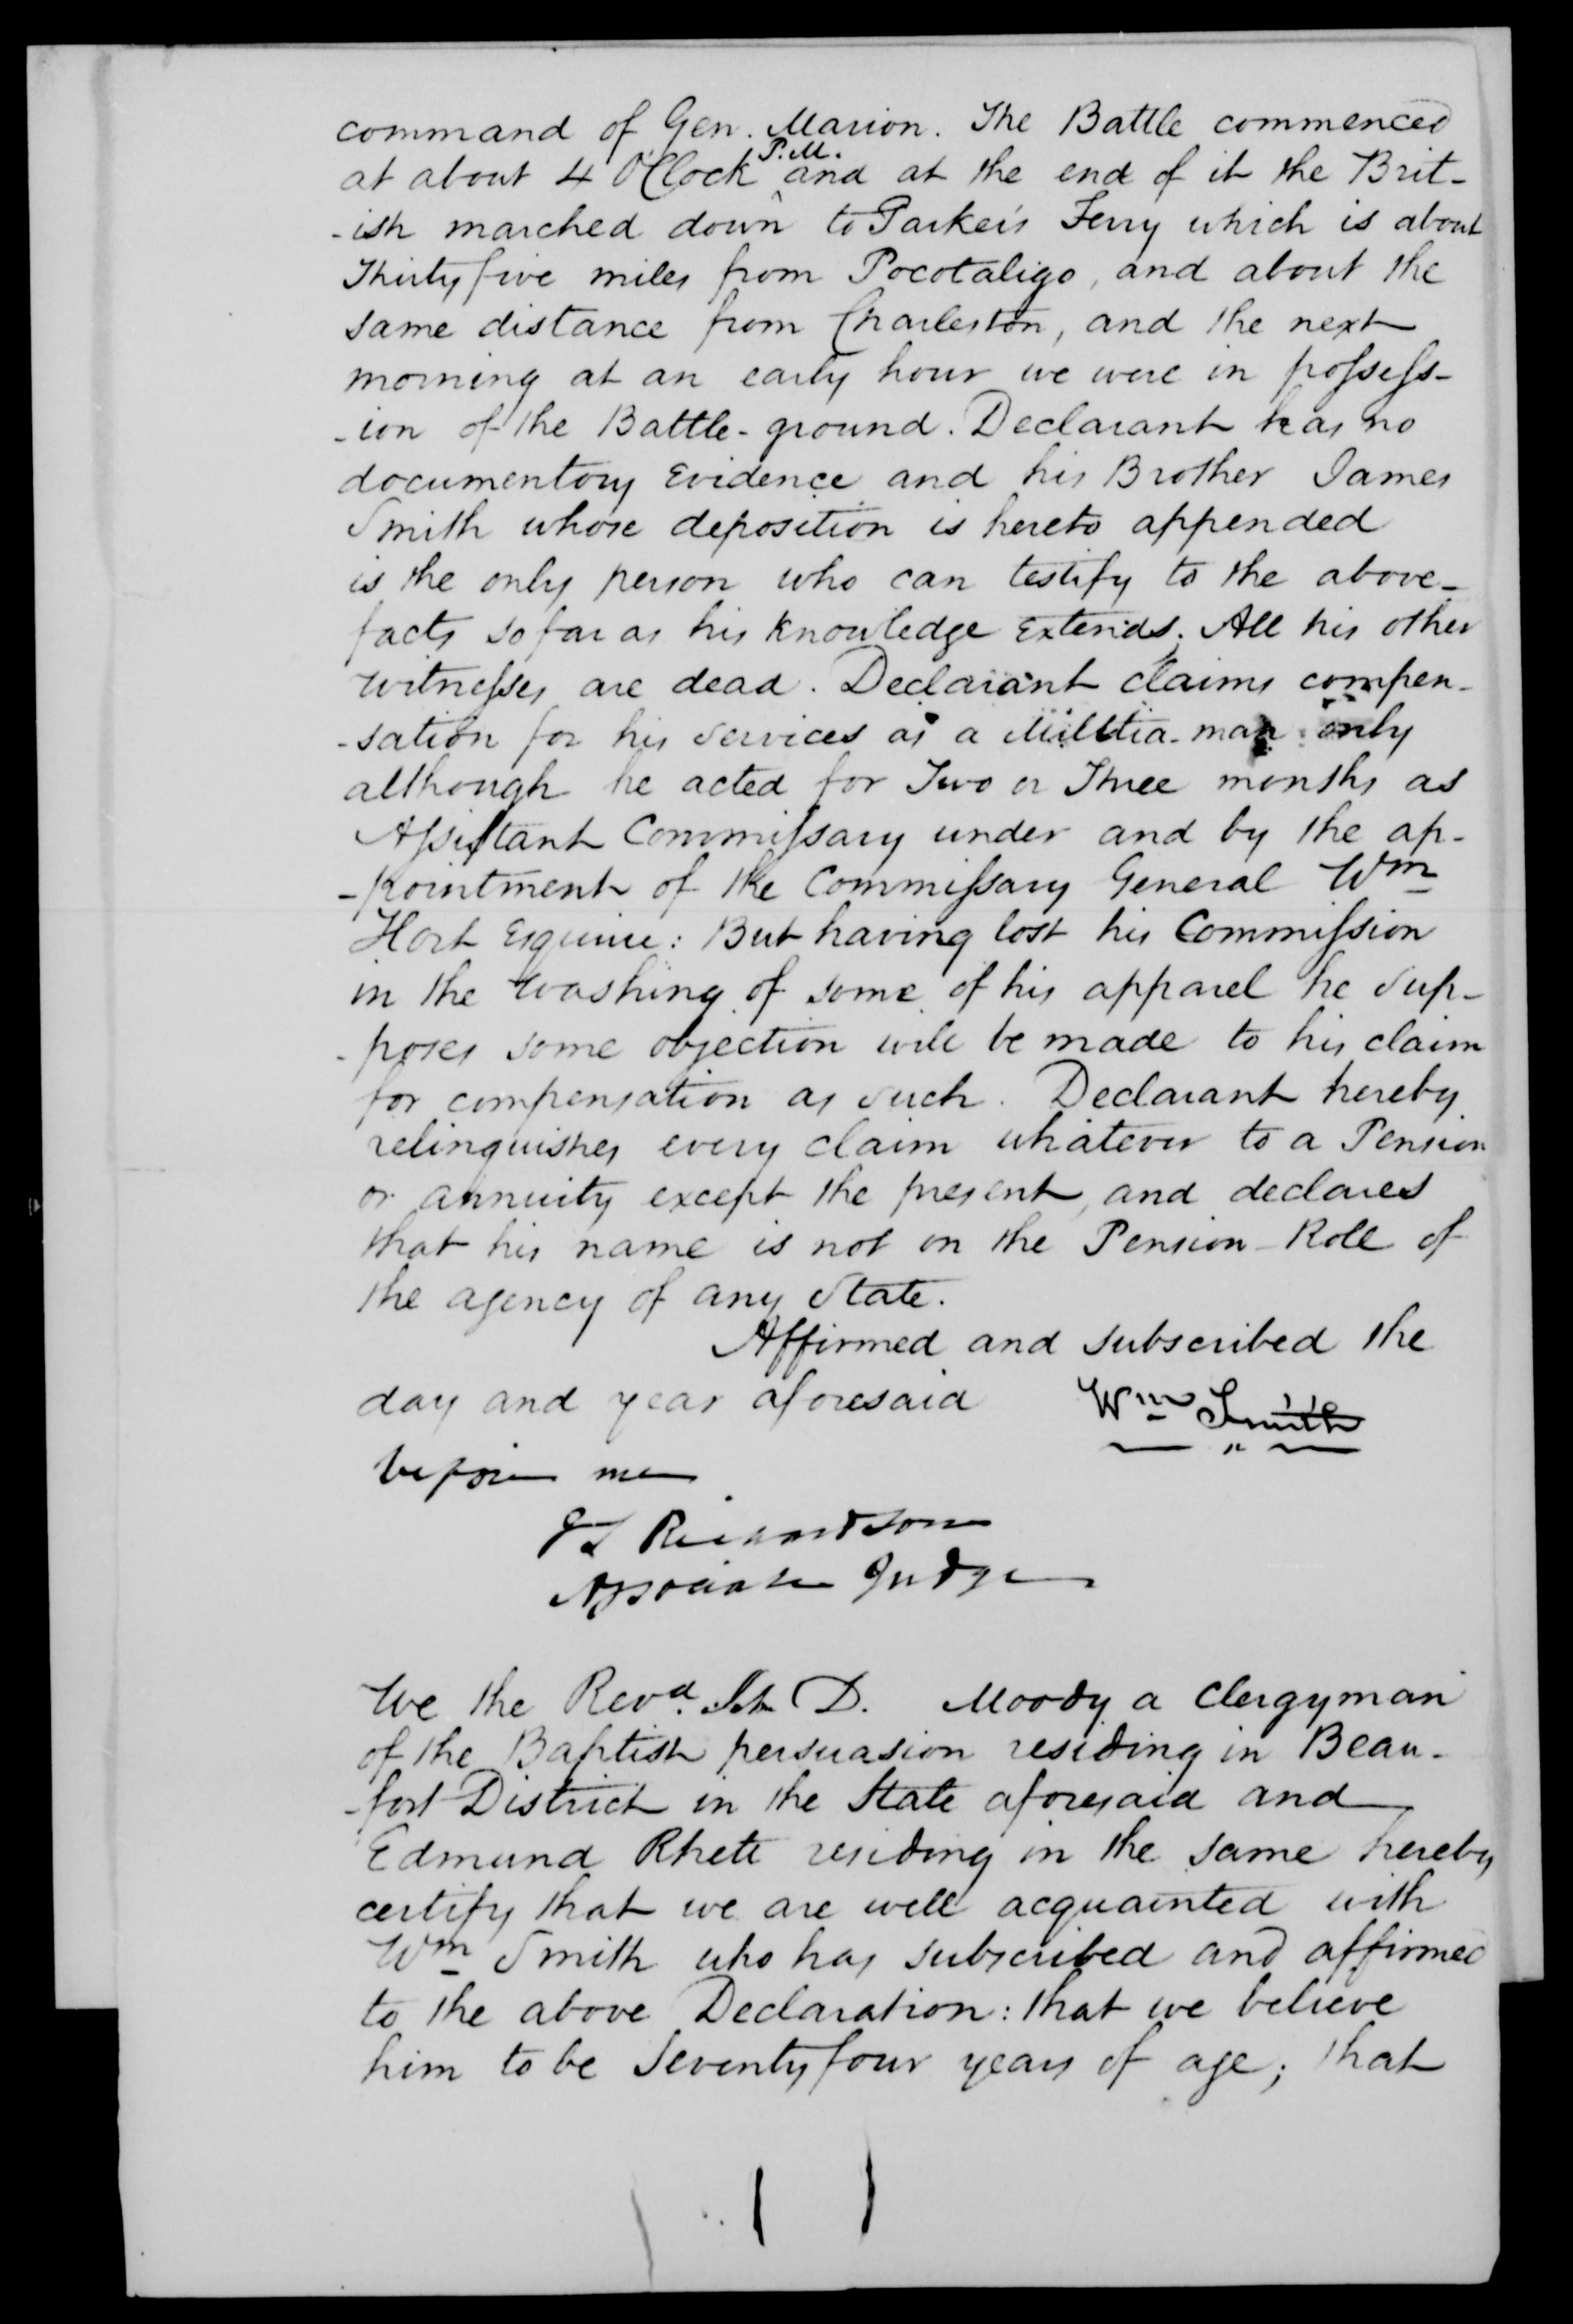command of Gen. Marion. The Battle commenced of about 4 O'Clock P.M. and at the end of it the British marched down to Parker's Ferry which is about thirty five miles from Pocotaligo, and about the same distance from Charleston, and the next morning at an early hour we were in possession of the Battle-ground. Declarant has no documentary evidence and his Brother James Smith whose deposition is hereto appended is the only person who can testify to the above facts, so far as his knowledge extends. All his other witnesses are dead. Declarant claims compensation for his services as a militia man only although he acted for Two or Three months as Assistant Commissary under and by the appointment of the Commissary General Wm. Hort Esquire. But having lost his Commission in the washing of some of his apparel he supposes some objection will be made to his claim for compensation as such. Declarant hereby relinquishes every claim whatever to a Pension or annuity except the present and declares that his name is not on the Pension Roll of the agency of any State. 
Affirmed and subscribed the day and year aforesaid
Wm. Smith 
before me
J L Richardson 
Associate Judge

We the Revd. John D. Moody a clergyman of the Baptist persuasion residing in Beaufort District in the State aforesaid and Edmund Rhett residing in the same hereby certify that we are well acquainted with Wm. Smith who has subscribed and affirmed to the above Declaration that we believe him to be seventy four years of age, that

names: Wm Smith; James Smith; John D Moody; Wm Smith; Edmund Rhett; [BLANK] Marion; J L Richardson; Wm Hort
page: 4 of 21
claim: rejected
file: R. 9875, for William Smith, South Carolina